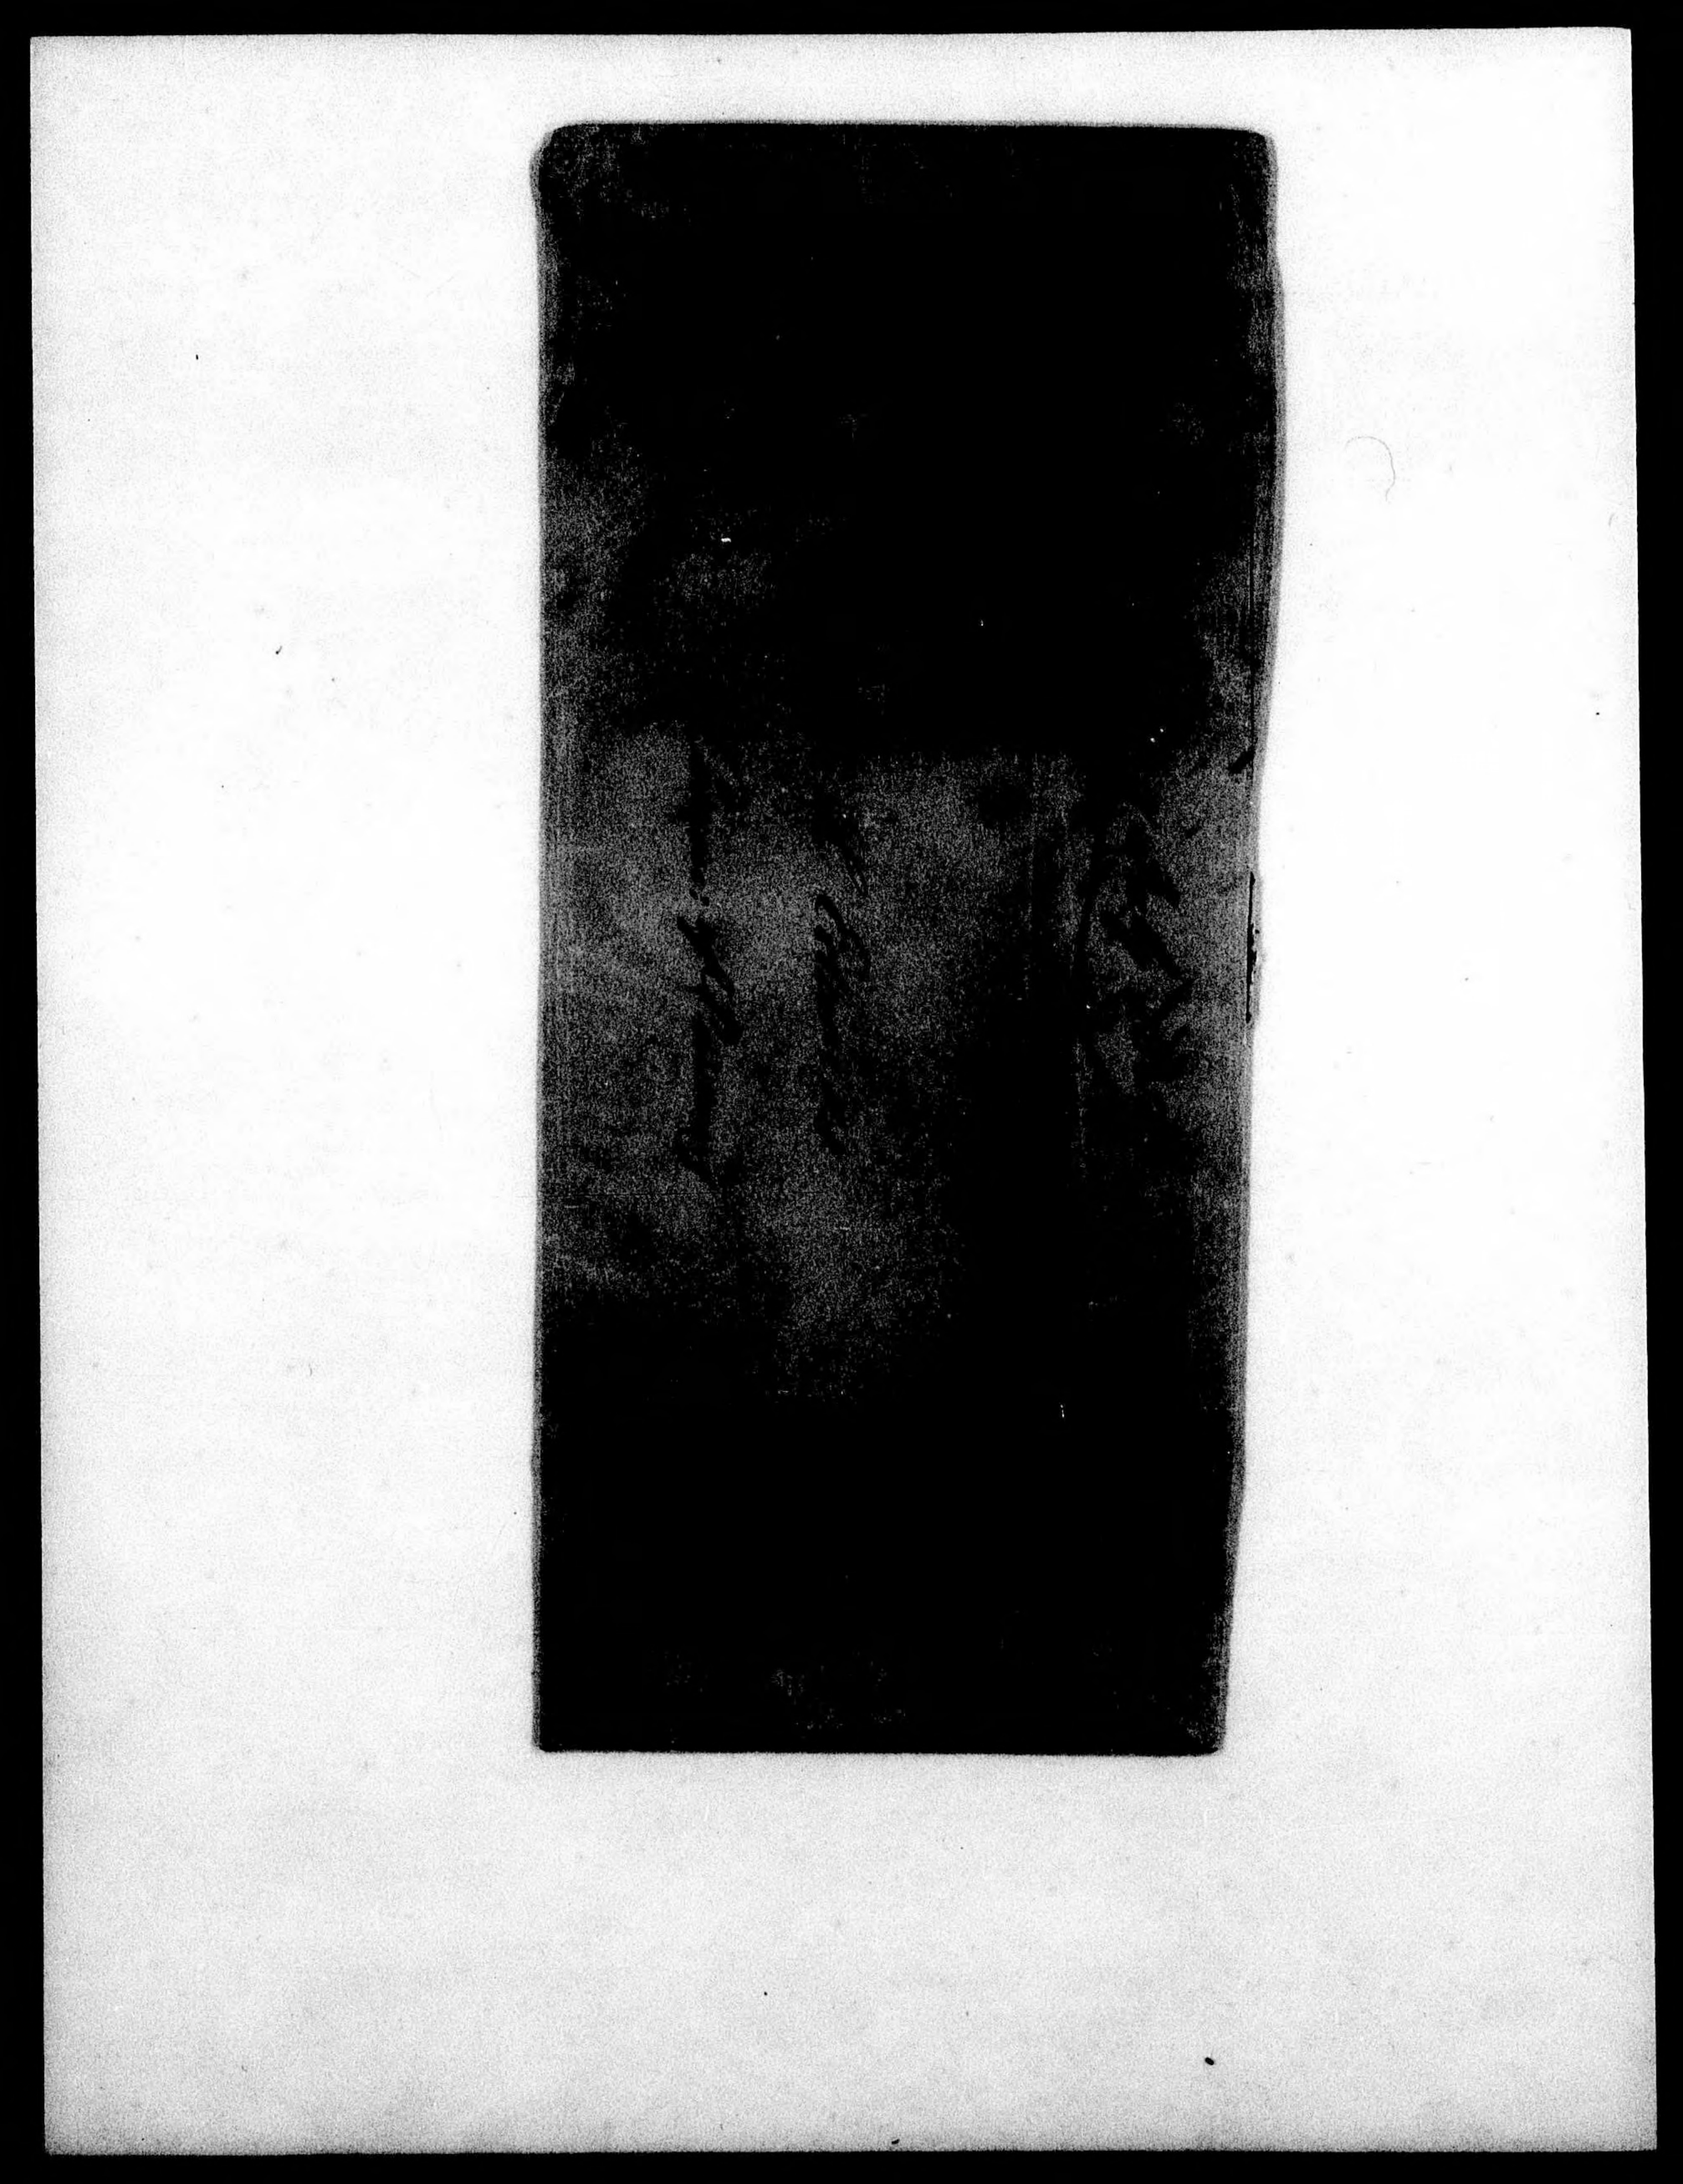[A very dark rectangular piece of paper.  No words can be deciphered.]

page: 17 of 29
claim: rejected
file: R. 5862, for Isham Kendrick, North Carolina